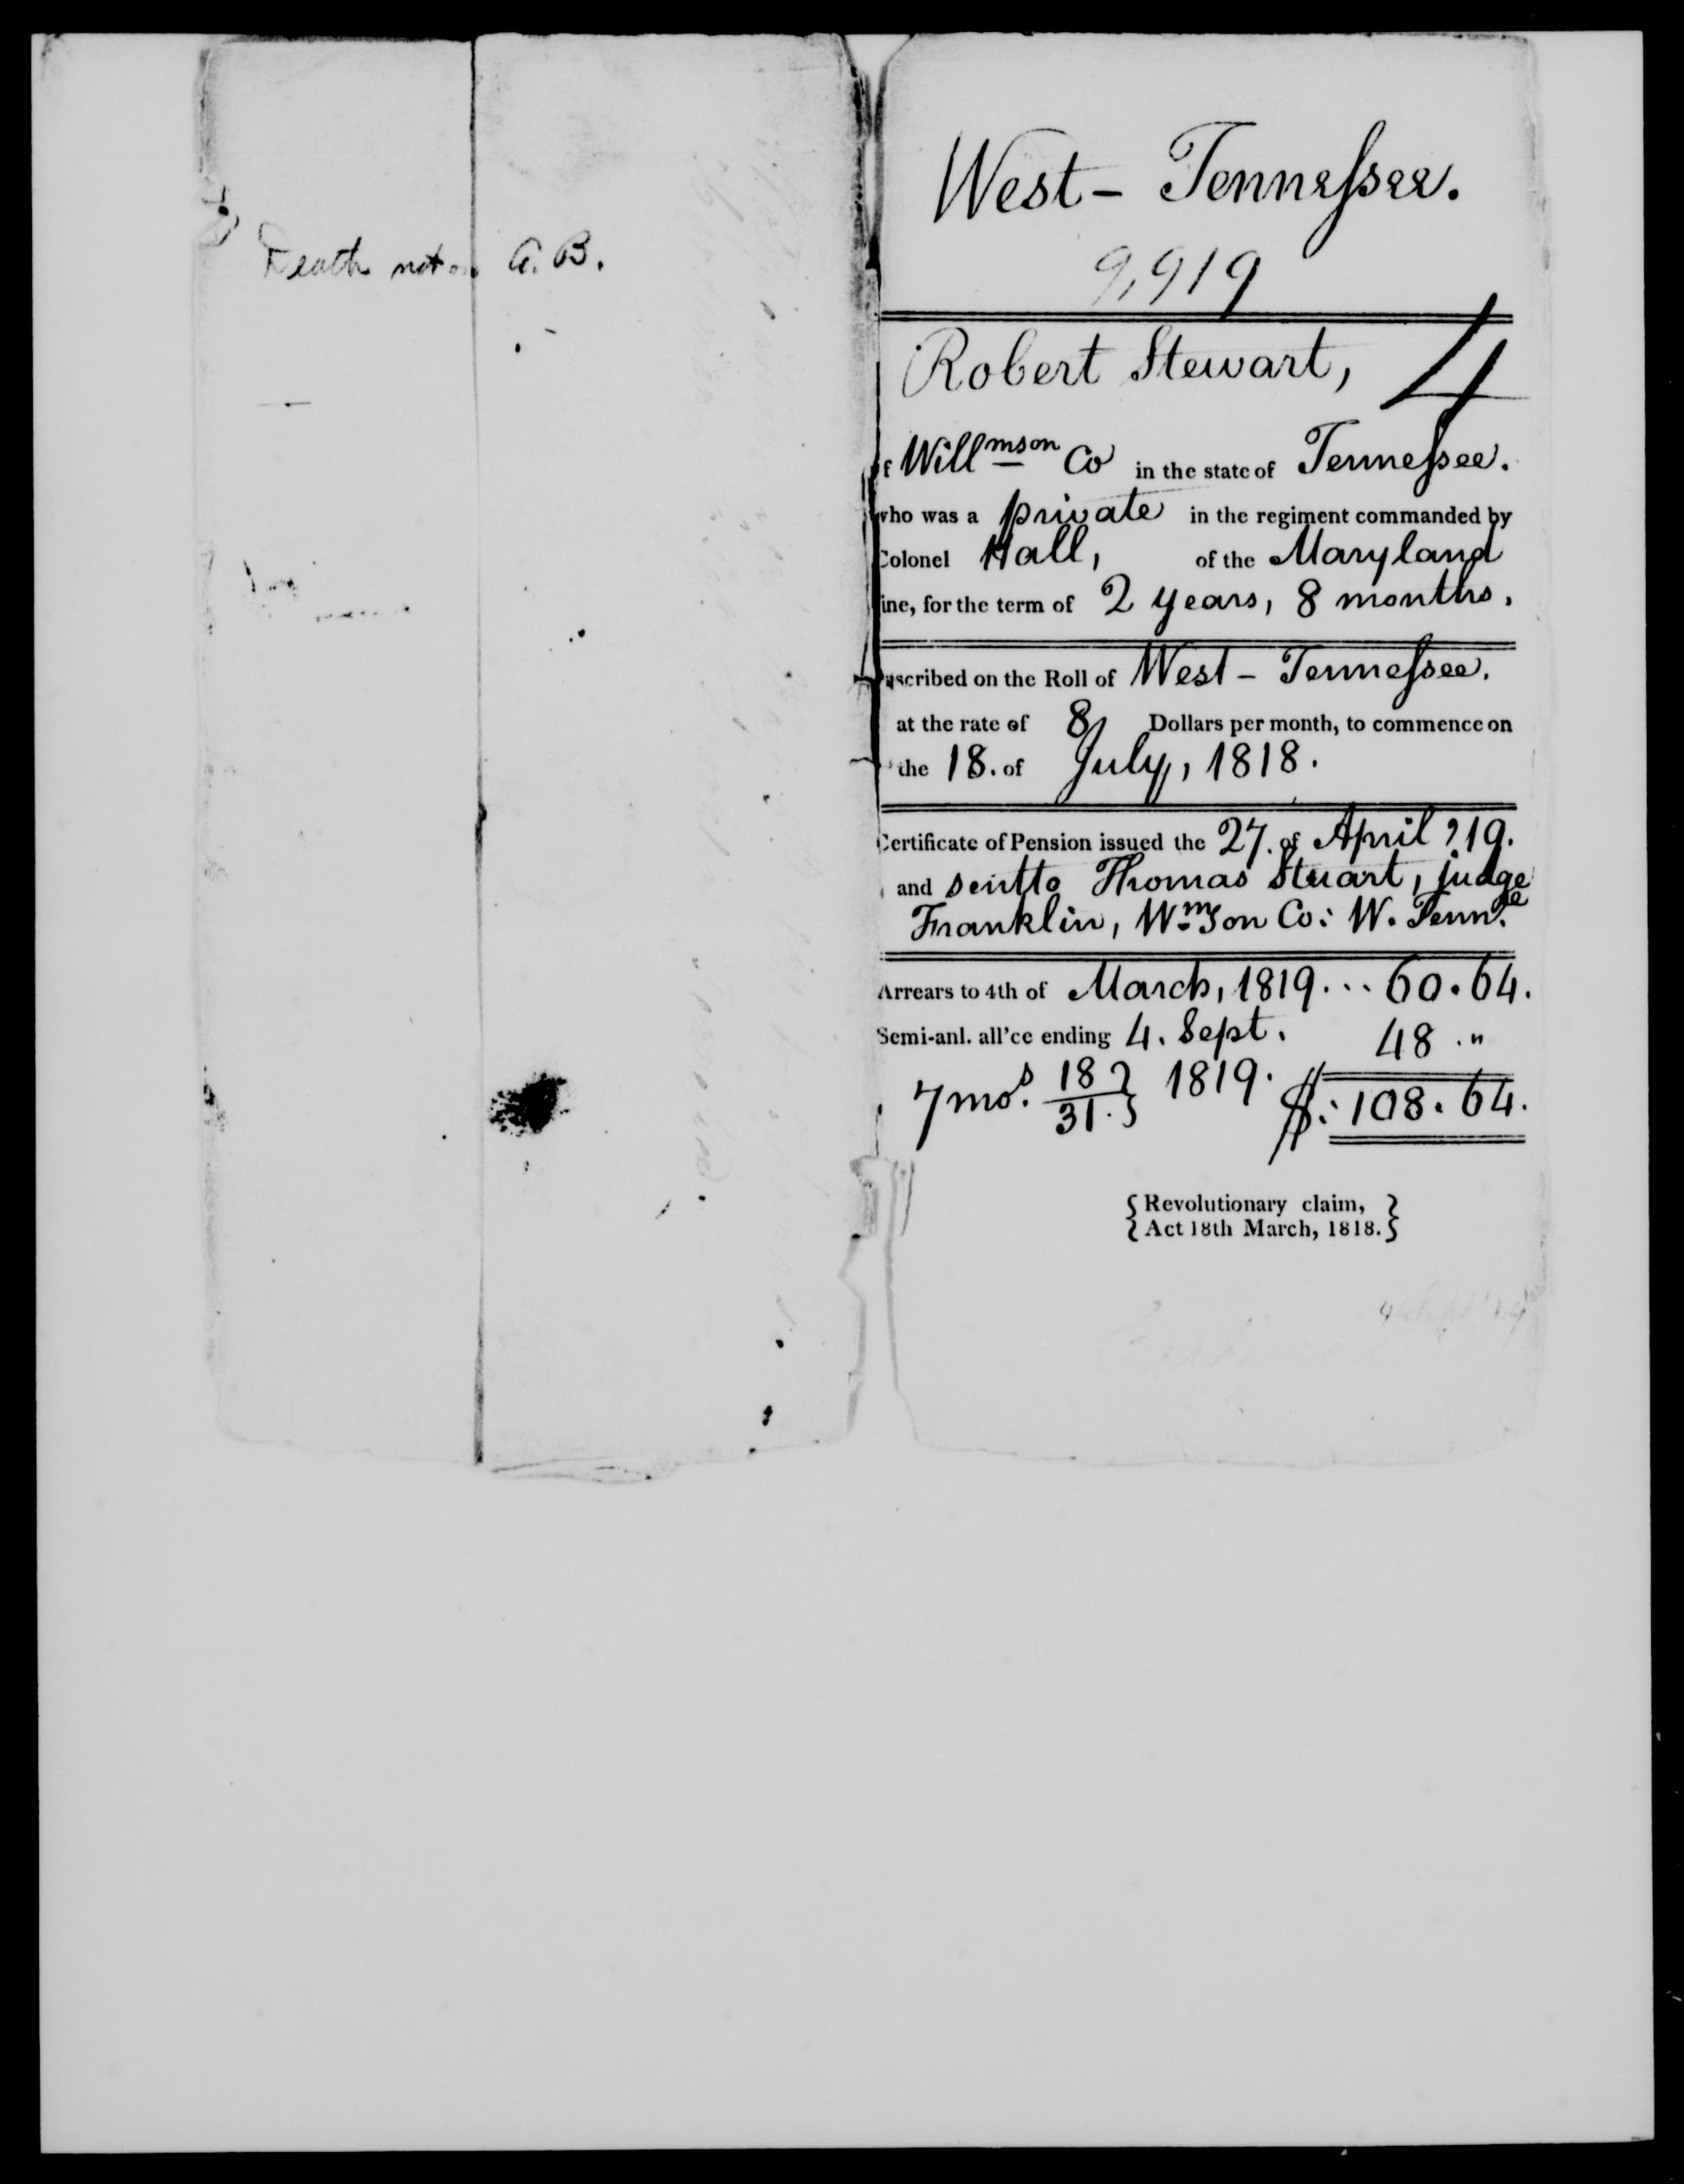West-Tennessee
9,919

Robert Stewart, of Willmson Co in the state of Tennessee. who was a private in the regiment commanded by Colonel Hall, of the Maryland line, for the term of 2 years, 8 months,

Inscribed on the Roll of West-Tennessee, at the rate of 8 Dollars per month, to commence on the 18. of July, 1818.

Certificate of Pension issued the 27. of April, '19. and sent to Thomas Stuart, judge Franklin, Wmson Co. W. Tenn,e

Arrears to 4th of March, 1819...60.64
Semi-anl. all'ce ending 4. Sept.  1819.  48."
7 mos. 18/31.}  $108.64.  

{Revolutionary claim, Act 18th March, 1818.}

Death not on  A.B.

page: 2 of 15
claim: survivor's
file: S 39089, for Robert Stewart, Maryland